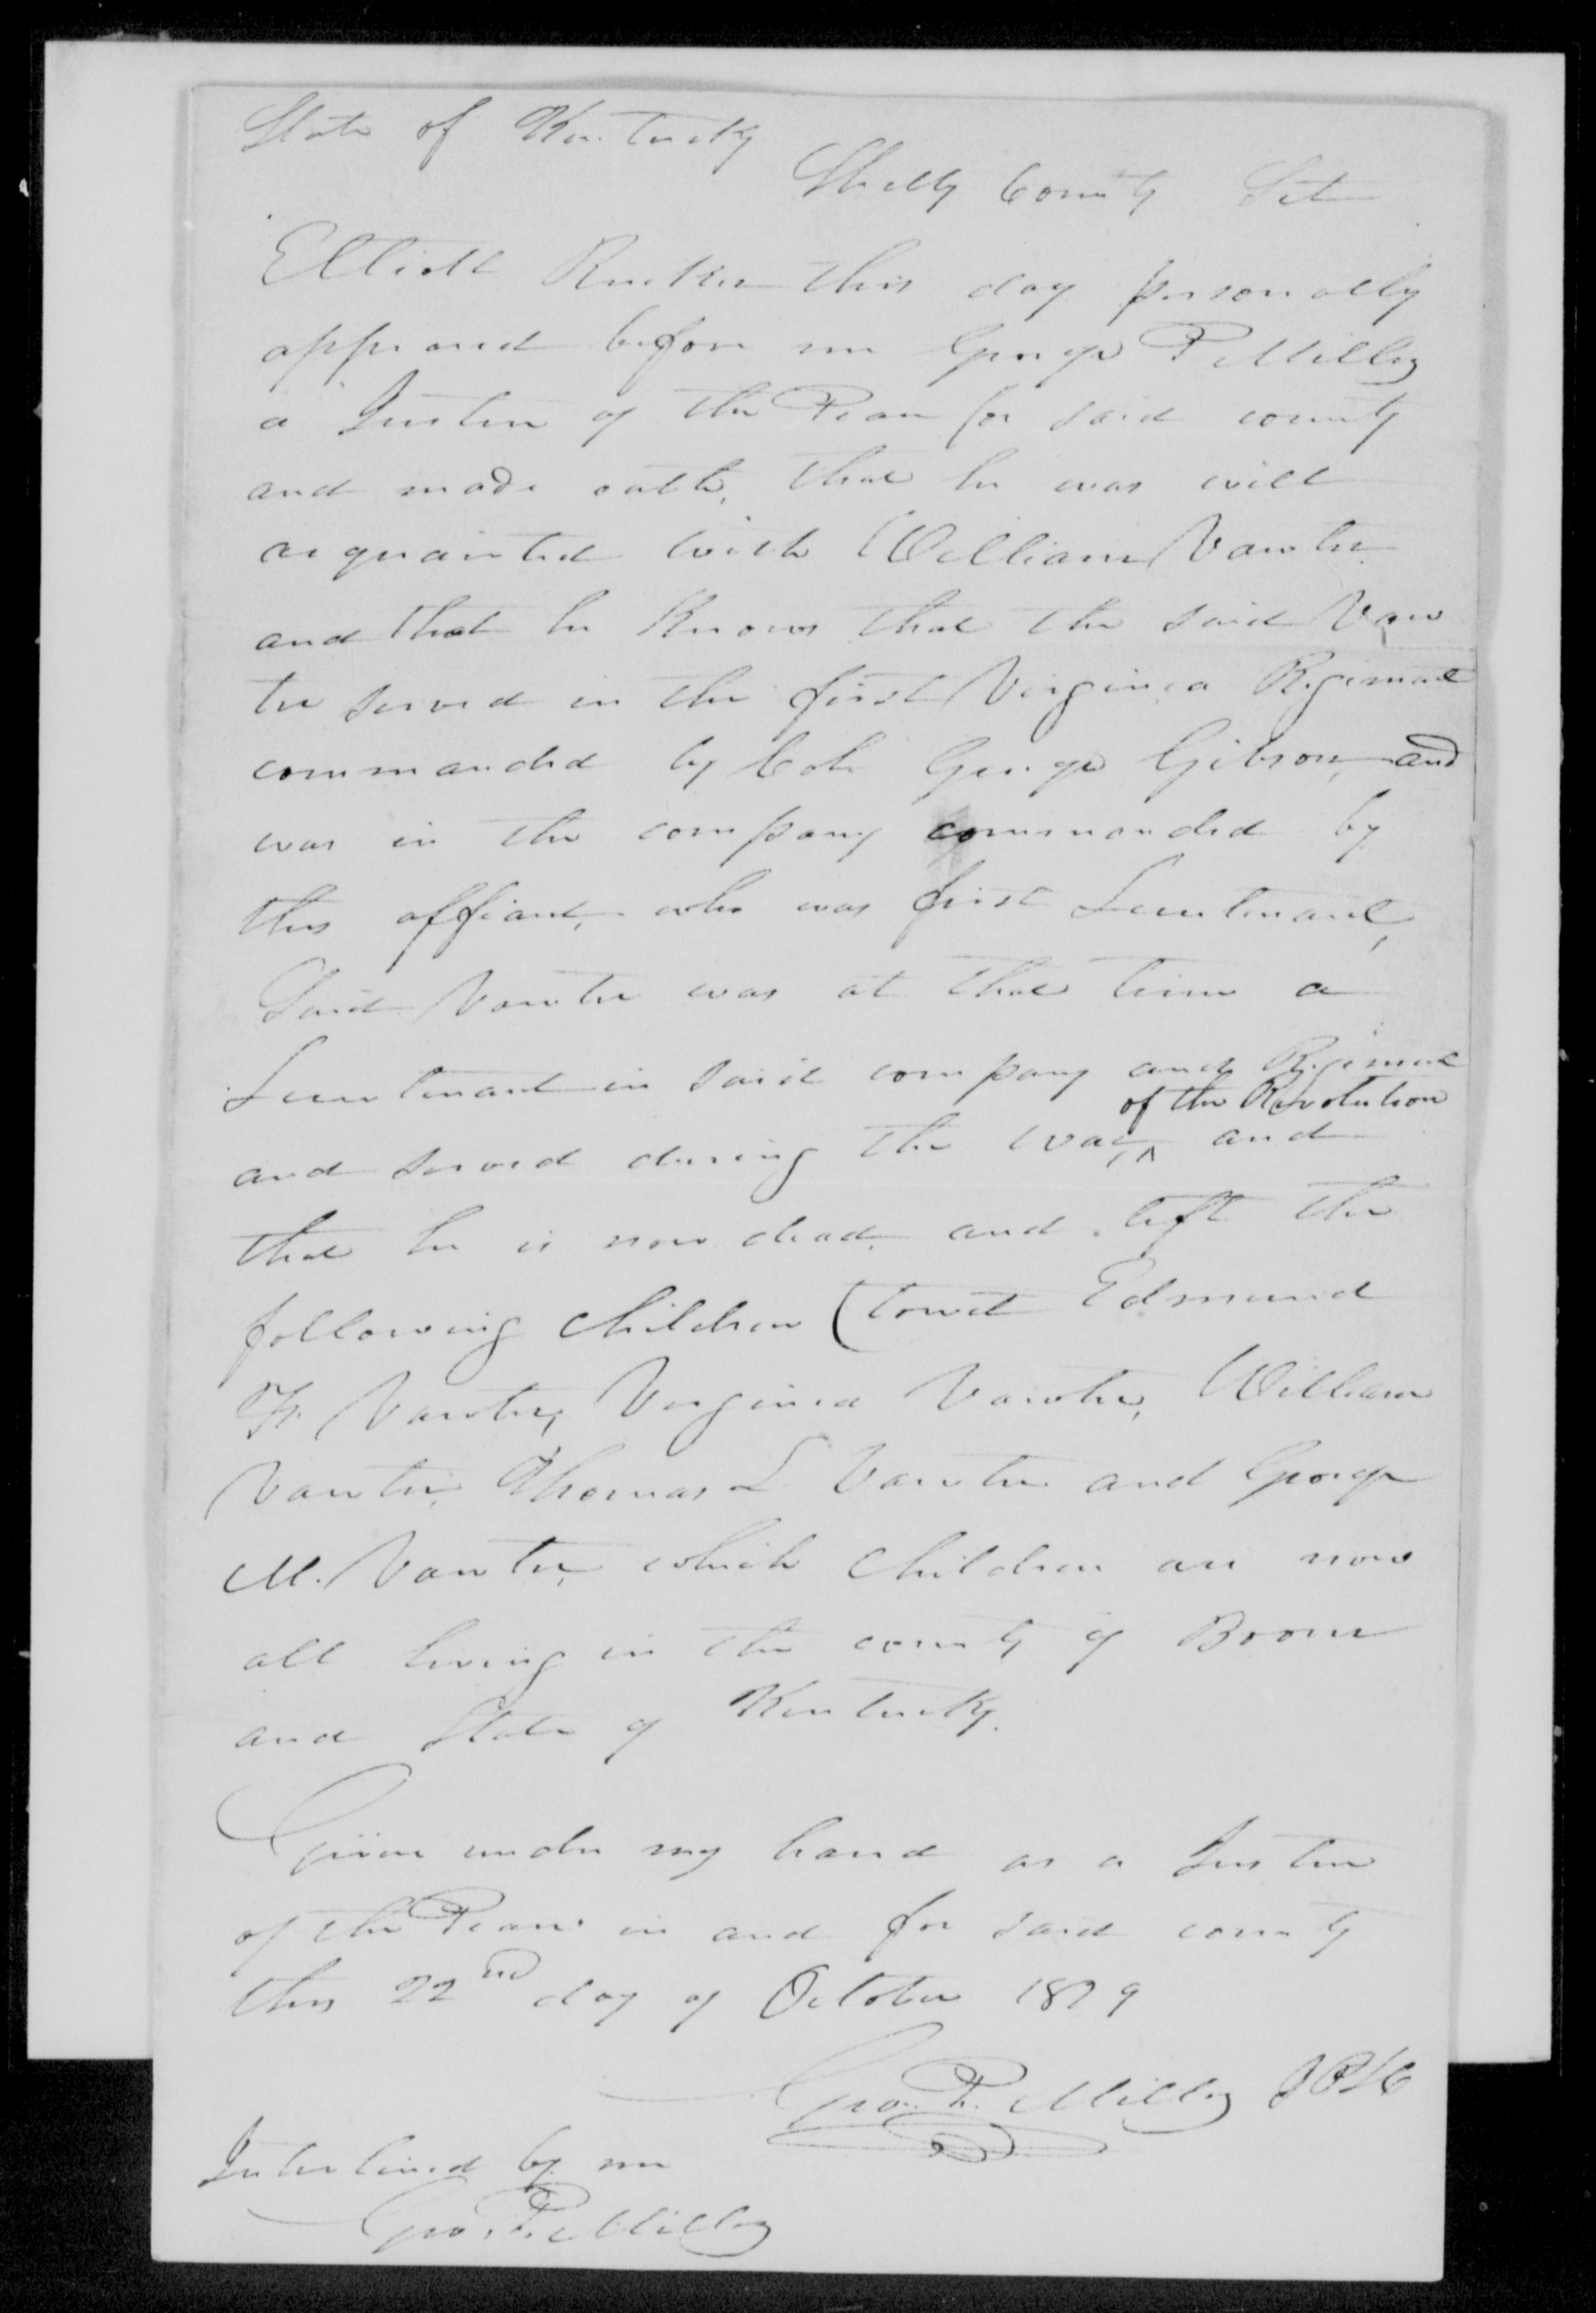State of the Kentucky
Shelby County Set[illegible]
Elliott Rucker this day personally
appeared before me George Pellilley
a Justice of the Peace for said County
and made oath that he was well
acquainted with William Vawter
and that he knows that the said Vawter
served in the First Virginia Regiment
commanded by Col George Gibson, and
was in the company commanded by
this affiant, who was first Lieutenant
said Vawter was at that time a
Lieutenant in said company and Regiment
and served during the war of the Revolution and
that he is now dead and left the
following children Court Edmund
F. Vawter Virginia Vawter William
Vawter Thomas Vawter and George
M. Vawter which children are now
all living in the county of Brown
and State of Kentucky

Given under my hand as a Justice
of the Peace in and for said county
this 22nd day of October 1879
 George Pellilley
Interlined by me
George Pellilley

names: George Gibson, Geo Pettit, Thomas L Vawter, Edmund F Vawters, William Vawter, Vawter, William Vawter, Virginia Vawter, Vawter, George Pettit, Elliott Rucker, Geo Pettit, George M Vawter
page: 44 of 51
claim: rejected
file: R. 10,921, William Vawter, Va.